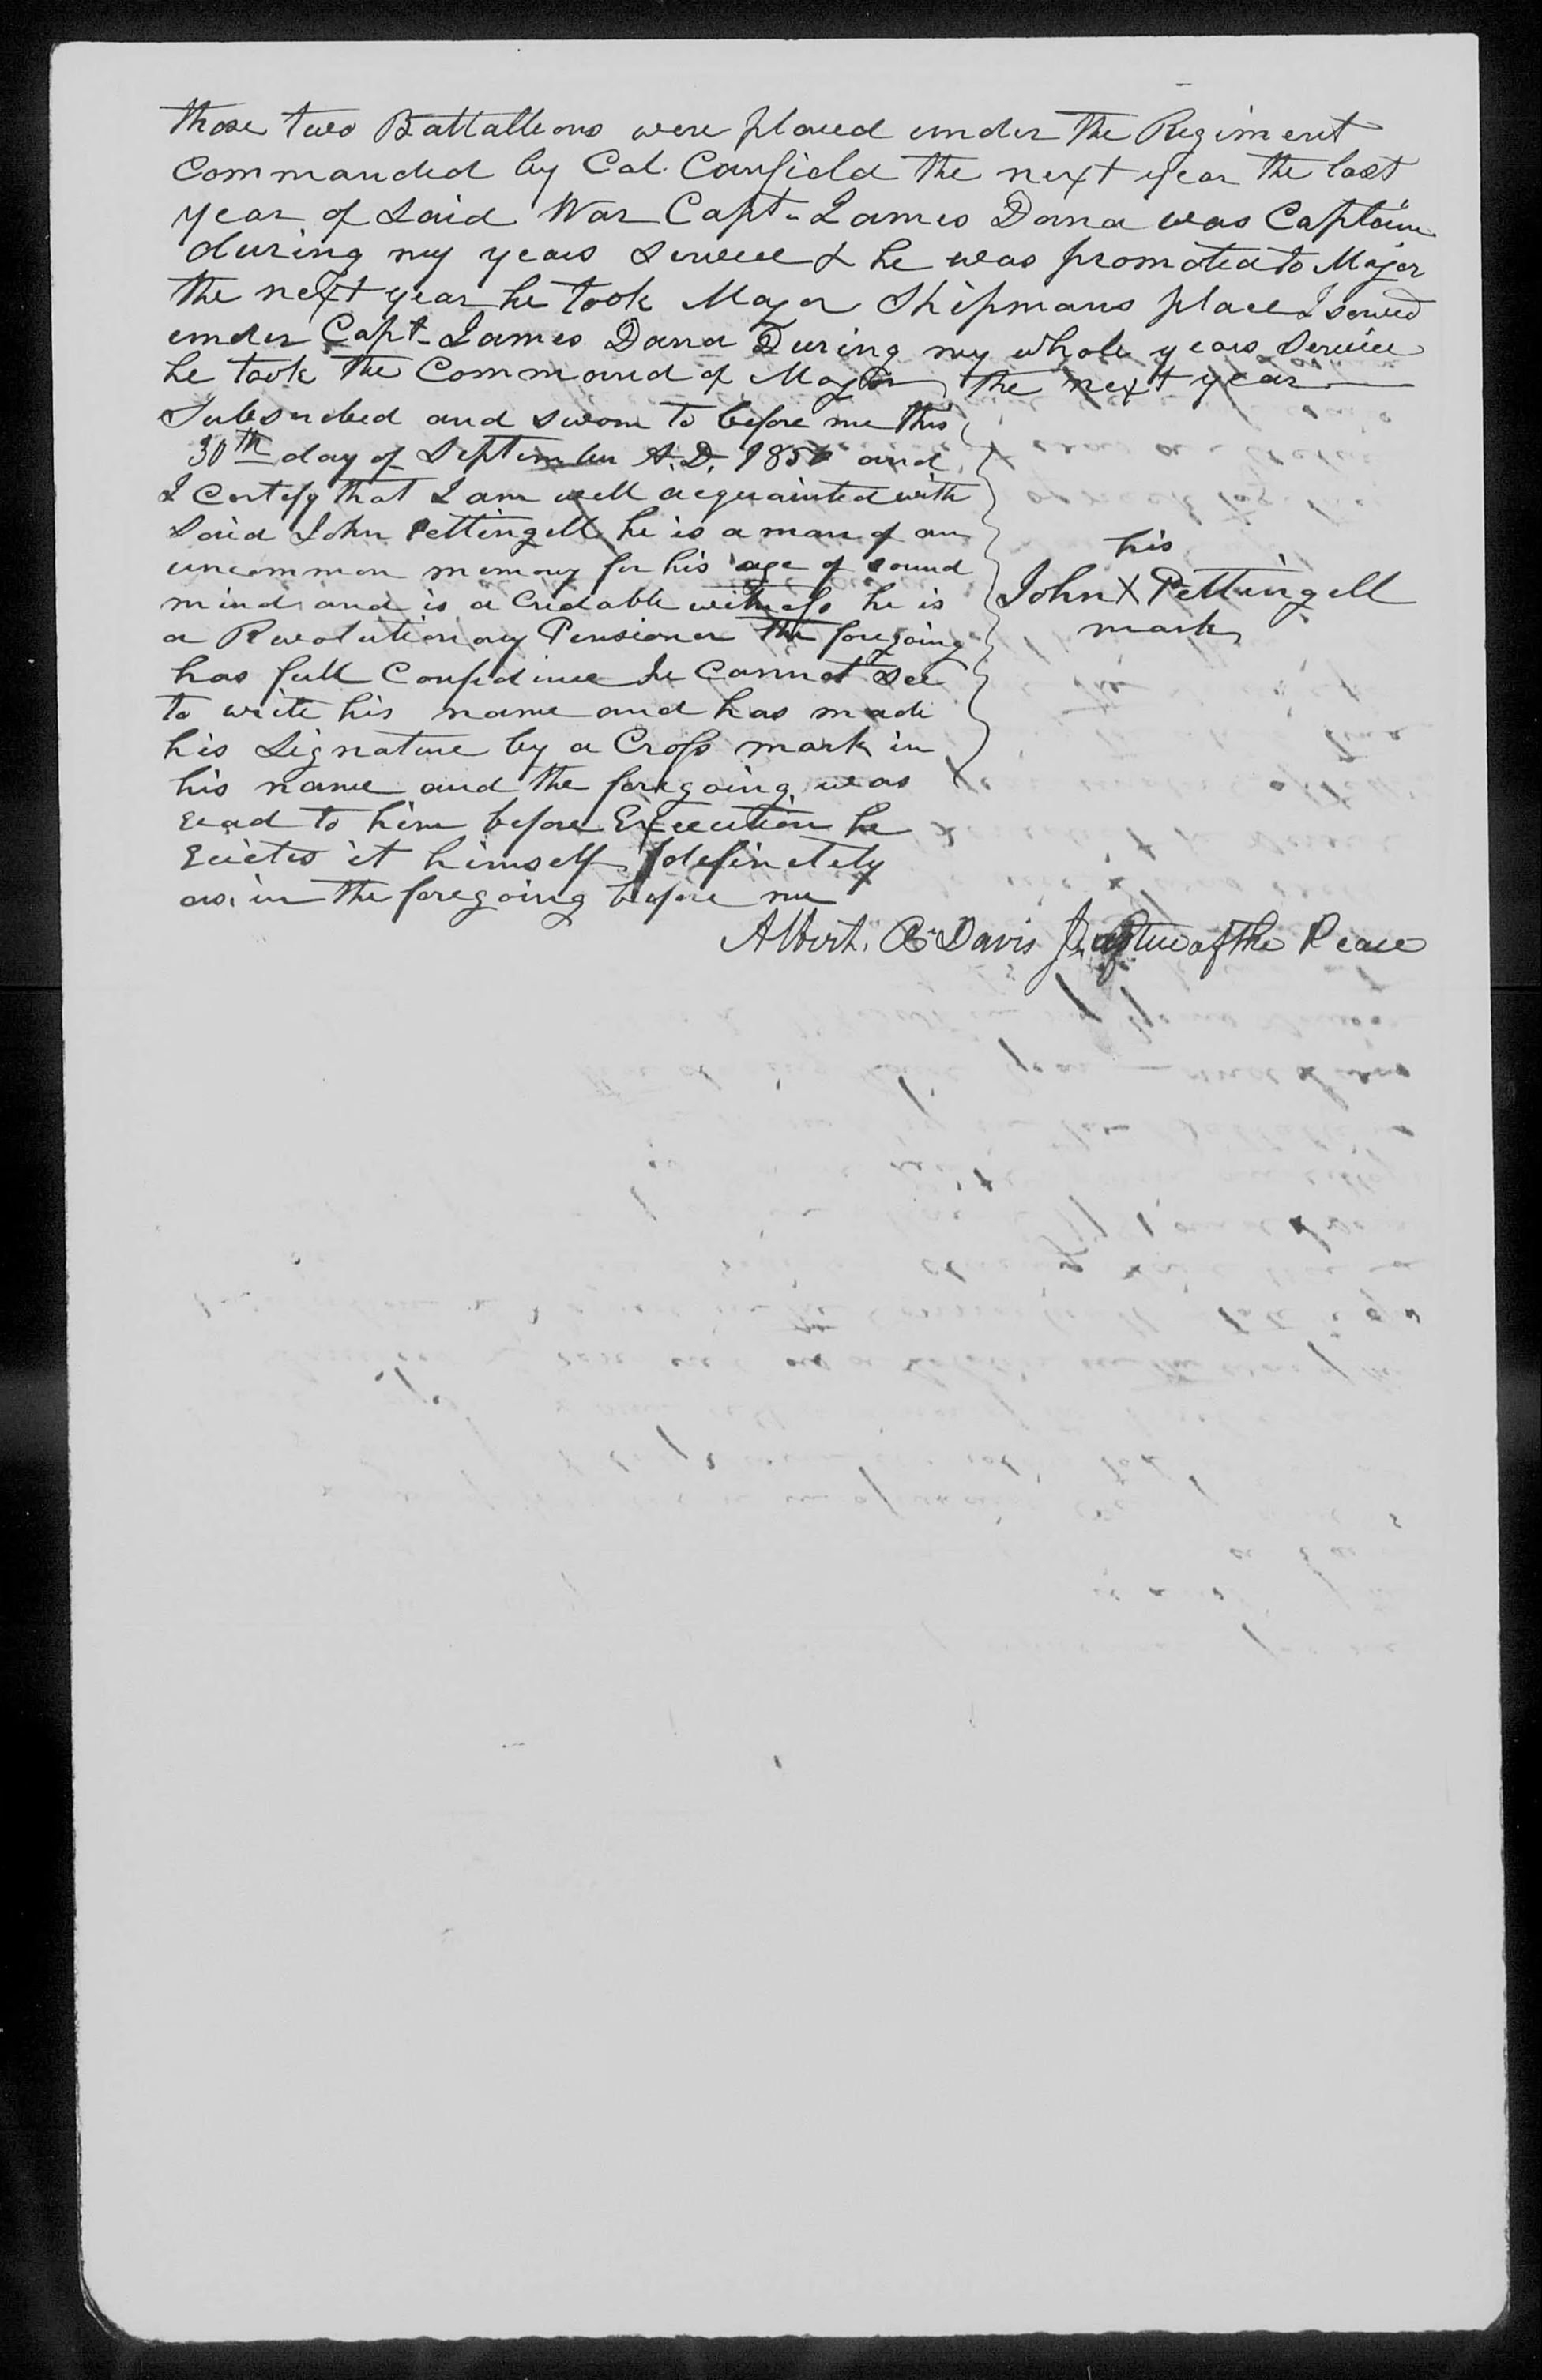those two Battallions [battalions] were placed under the Regiment Commanded by Col Canfield the next year the last year of said War Capt. James Dana was Captain during my years service & he was promoted to Major the next year he took Major Shipmans place I served under Capt James Dana During my whole years service he took the Command of Major the next year.
his
John X Pettingell
mark

Subscribed and sworn to before me this 30th day of September A.D. 1850 and I Certify that I am well acquainted with said John Pettingell he is a man of an uncommon memory for his age of sound mind and is a Credible witness he is a Revolutionary Pensioner the foregoing has full Confidence he cannot see to write his name and has made his signature by a Cross mark in his name and the foregoing was read to him before Execution he recites it himself  [illegible] as in the foregoing before me
Albert. B Davis Justice of the Peace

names: James Dana, John Pettingell, James Dana, Albert A Davis, Shipman, Canfield, John Pettingell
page: 62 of 106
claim: survivor's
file: S 23,116., Joshua Benedict, Conn.